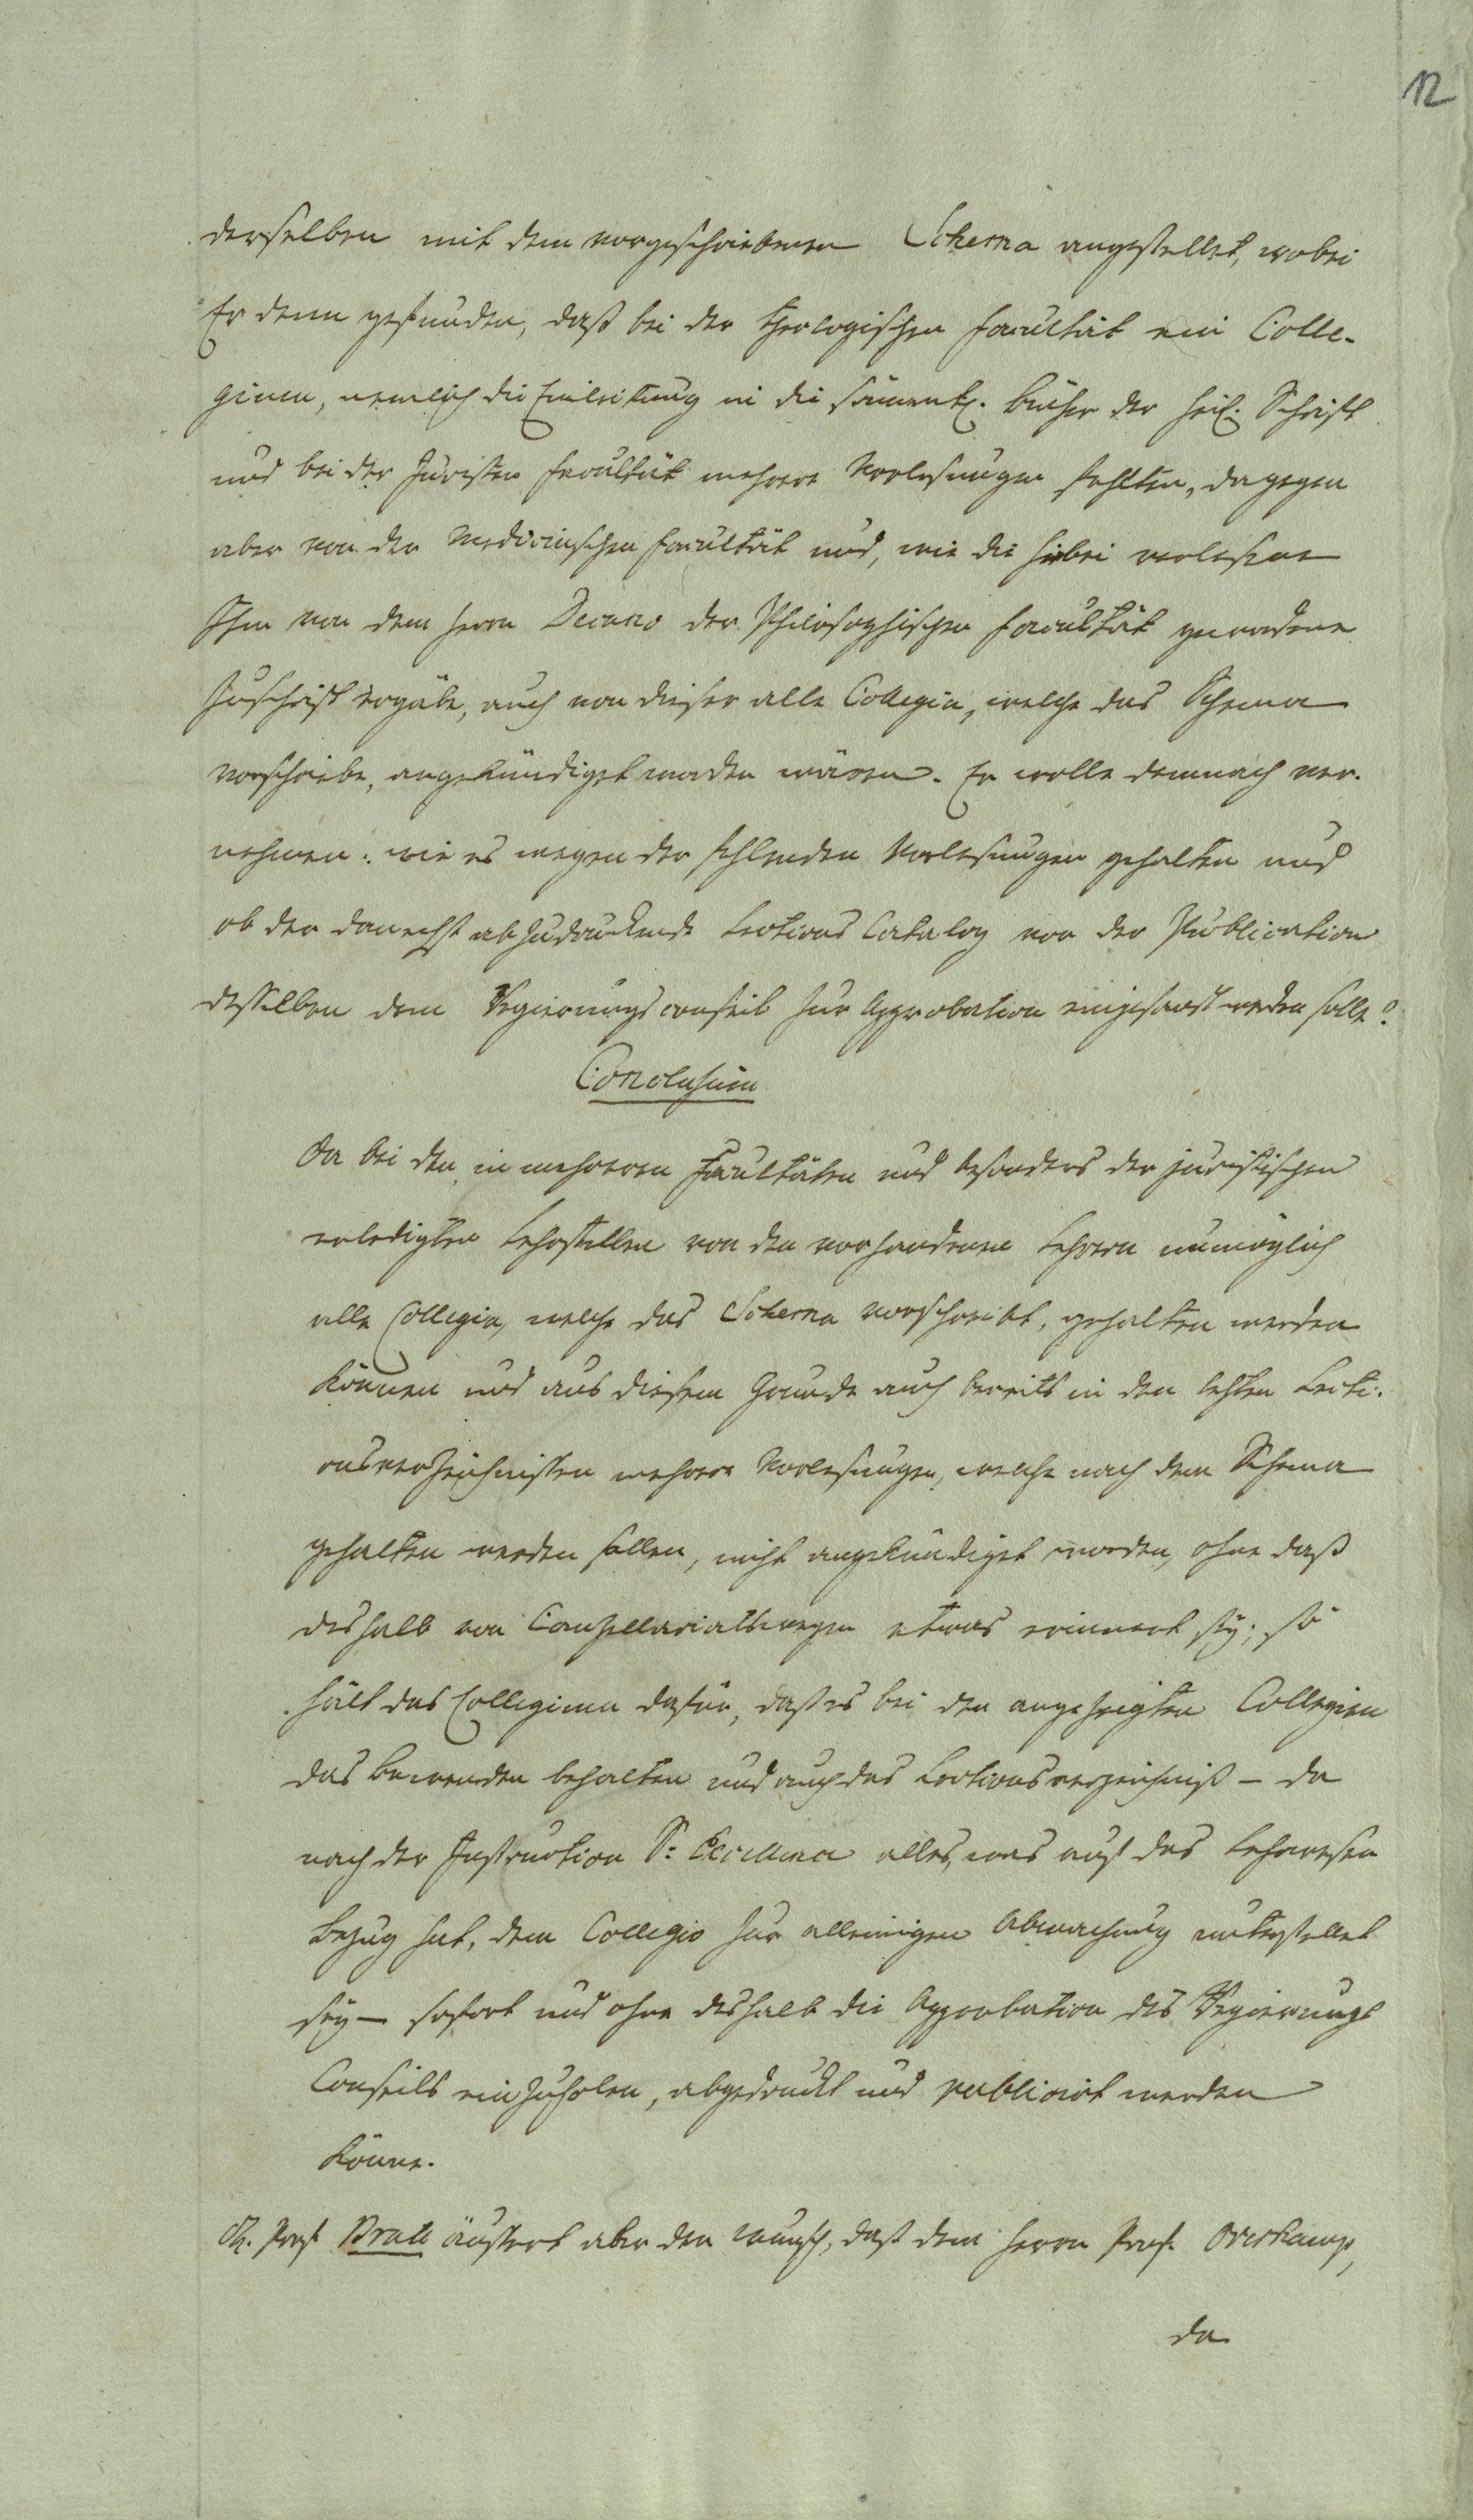derselben mit dem vorgeschriebenen Schema angestellet, wobei
Er denn gefunden, daß bei der Theologischen Facultät ein Colle¬
gium, nemlich die Einleitung in die sämmtl. Bücher der heil. Schrift
und bei der Juristen Facultät mehrere Vorlesungen fehlten, dagegen
aber von der Medicinischen Facultät und, wie die hiebei verlesene
Ihm von dem herrn Decano der Philosophischen Facultät gewordene
Zuschrift ergäbe, auch von dieser alle Collegia, welche das Schema
vorschriebe, angekündiget worden wären. Er wolle demnach ver¬
nehmen: wie es wegen der fehlenden Vorlesungen gehalten und
ob der danechst abzudruckende Lections Catalog vor der Publication
desselben dem Regierungs conseil zur Approbation eingesandt werden solle?
Conclusum
Da bei den in mehreren Facultäten und besonders der juristischen
erledigten Lehrstellen von den vorhandenen Lehrern unmöglich
alle Collegia, welche das Schema vorschreibt, gehalten werden
können und aus diesem Grunde auch bereits in den letzten Lecti¬
onsverzeichnissen mehrere Vorlesungen, welche nach dem Schema
gehalten werden sollen, nicht angekündiget worden, ohne daß
deshalb von Canzellariatswegen etwas erinnert seÿ; so
hält das Collegim dafür, daß es bei den angezeigten Collegien
das Bewenden behalten und auch das Lectionsverzeichniß - da
nach der Instruction Sr. Excellence alles, was auf das lehrwesen
Bezug hat, dem Collegio zur alleinigen Abmachung unterstellet
seÿ - sofort und ohne deshalb die Approbation des Regierungs
Conseils einzuholen, abgedruckt und publicirt werden
könne.
dh. Prof. Bratt äußert aber den Wunsch, daß dem herrn Prof. Overkamp,
da